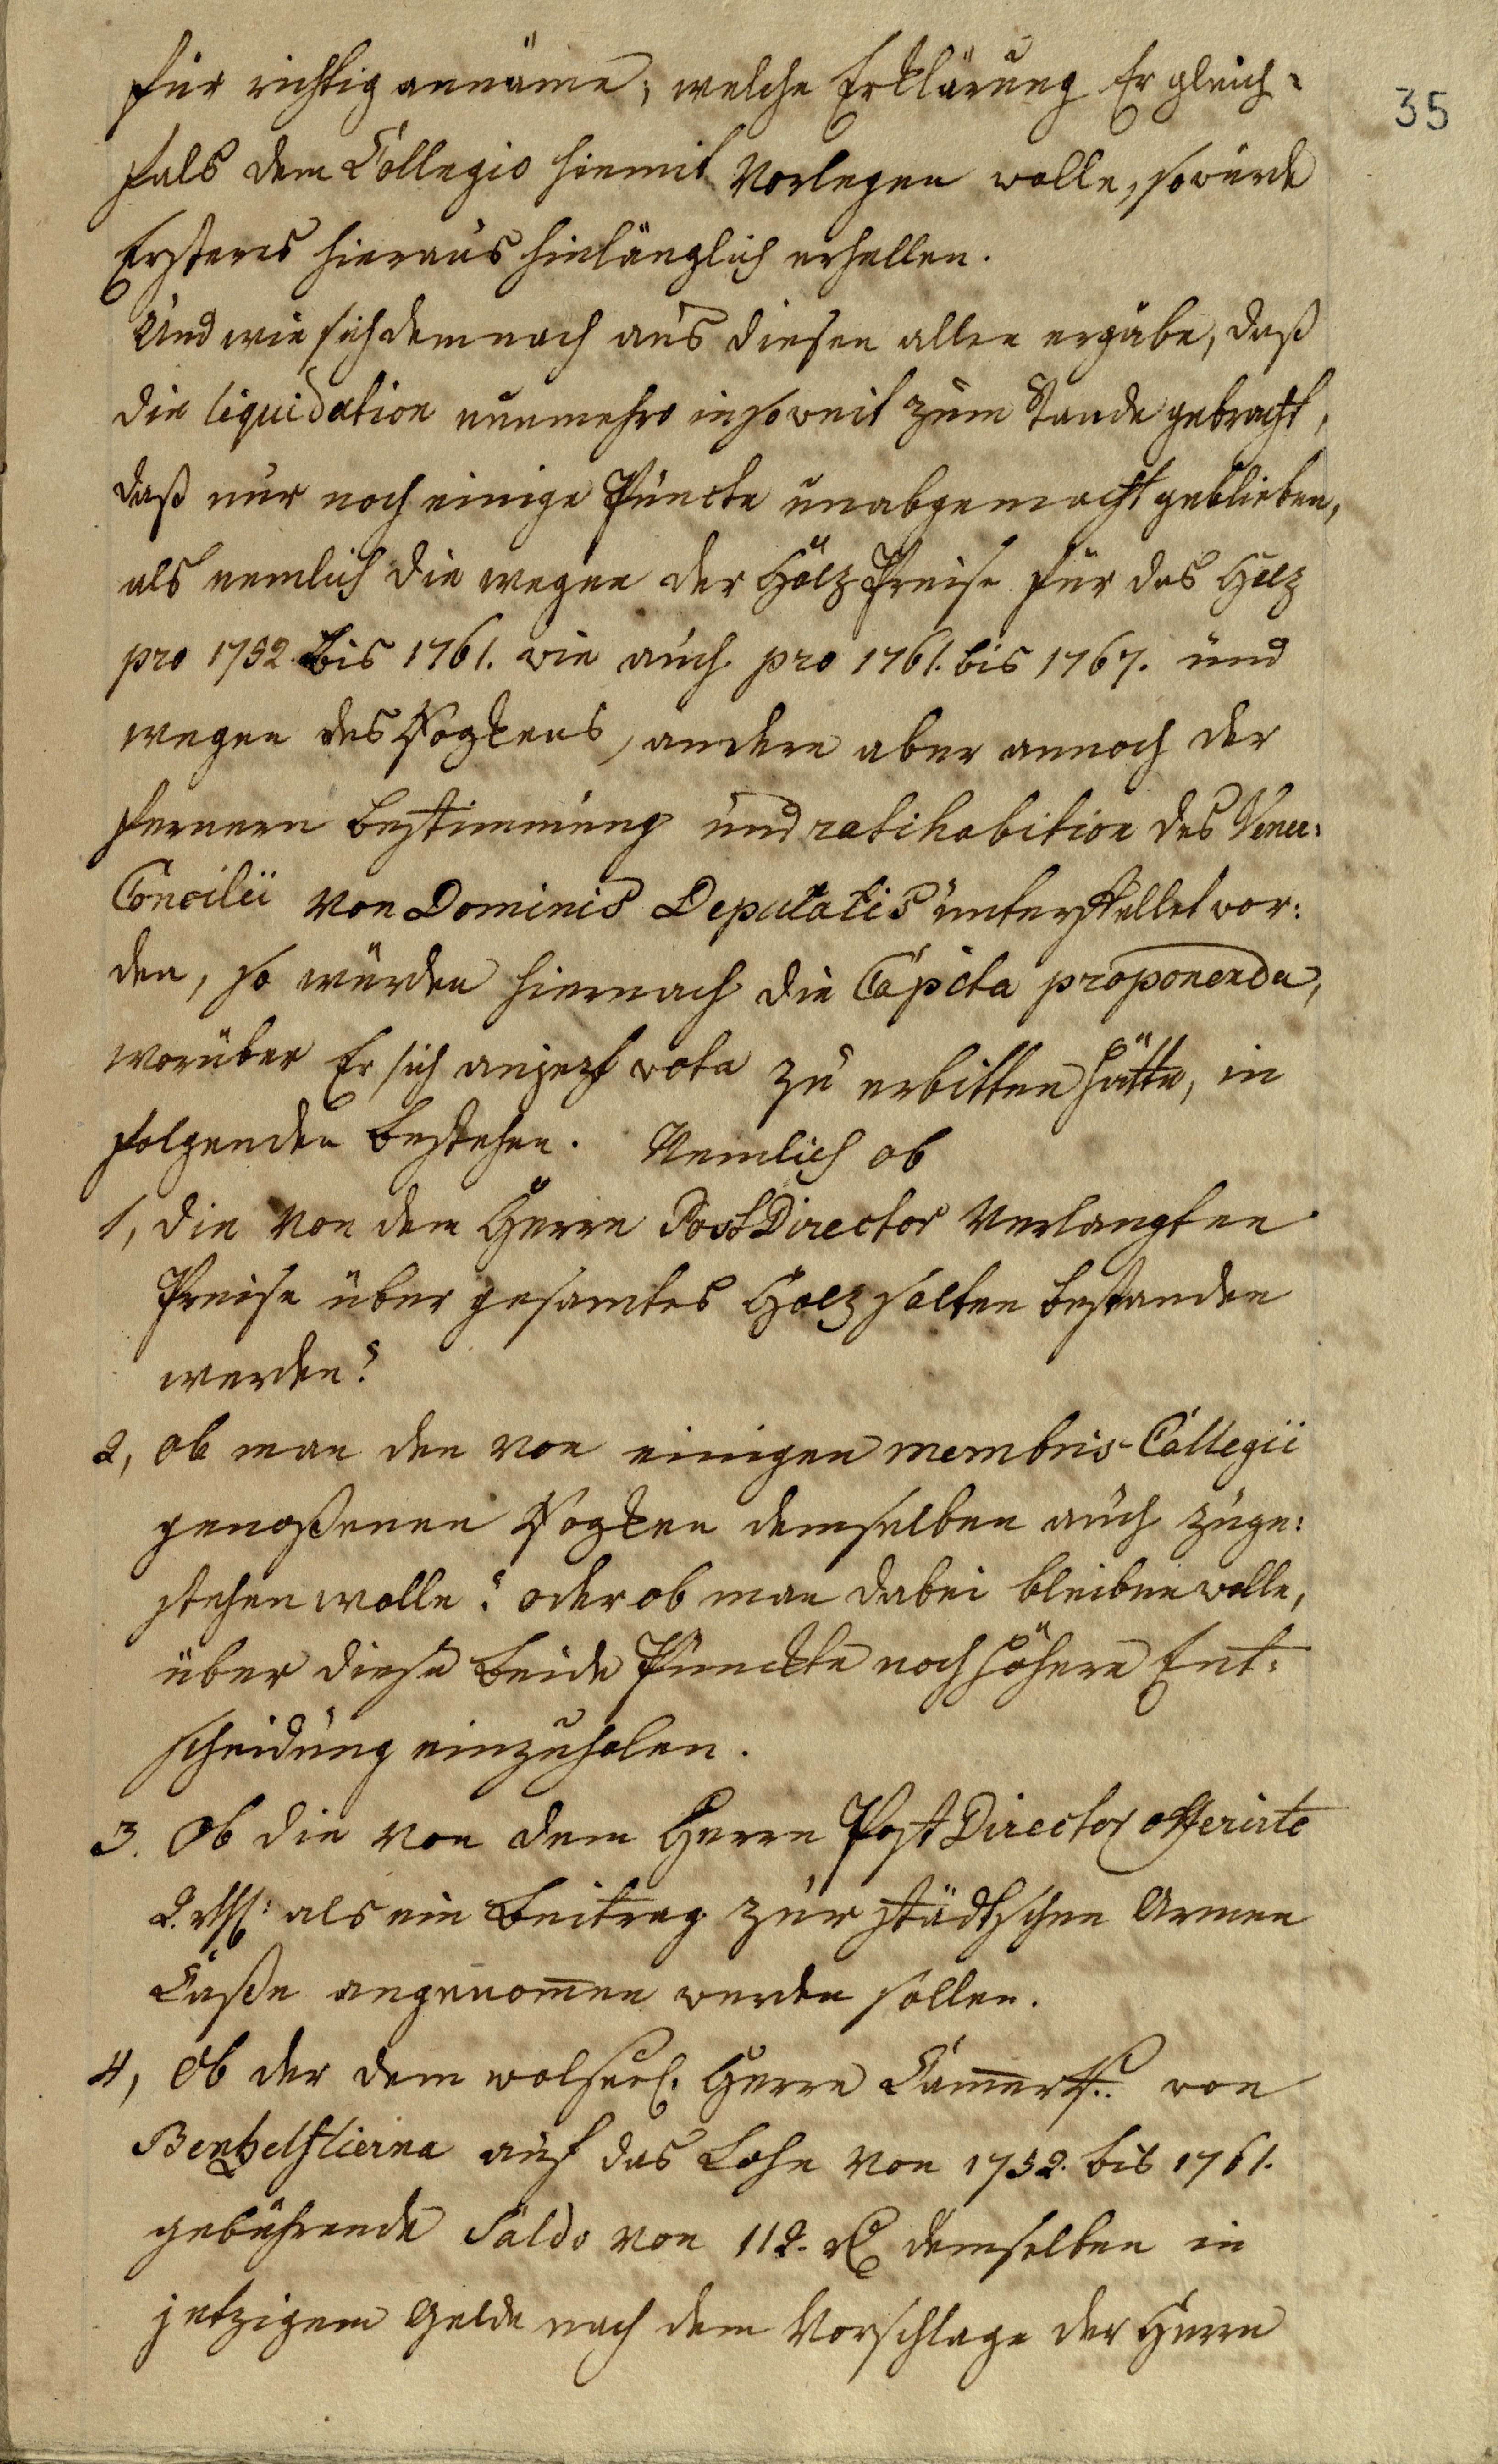für richtig annäme, welche Erklärung Er gleich¬
fals dem Collegio hiemit vorlegen wolle, so würde
Ersteres hieraus hinlänglich erhellen.
Und wie sich demnach aus diesen allen ergäbe, daß
die liquidation nunmehro in soweit zum Stande gebracht,
daß nur noch einige Puncte unabgemacht geblieben,
als nemlich die wegen der Holz Preise für des Holz
pro 1752 bis 1761, wie auch pro 1761. bis 1767. und
wegen des Rogkens, andere aber annoch der
fernern Bestimmung und ratihabition des Vener.
Concilii von Dominis Deputatis unterstellet wor¬
den, so würden hiernach die Capita proponenda,
worüber Er sich anjetzt vota zu erbitten hätte, in
folgenden bestehen. Nemlich ob
1, die von dem Herrn Prof Director verlangten
Preise über gesamtes Holz solten bestanden
werden?
2, ob man den von einigen membris Collegii
genoßenen Rogken demselben auch zuge¬
stehen wolle? oder ob man dabei bleiben wolle,
über diese beide Punkte noch höhere Ent¬
scheidung einzuholen.
3. ob die von dem Herrn Post Director offerirte
2. rth. als ein Beitrag zur städtschen Armen
Caße angenomen werden sollen.
4, ob der dem wolseel Herrn CamerR. von
Bentzelstierna auf das Lohn von 1752 bis 1761.
gebührende Saldo von 112. rtl. demselben in
jetzigem Gelde nach dem Vorschlage der Herrn